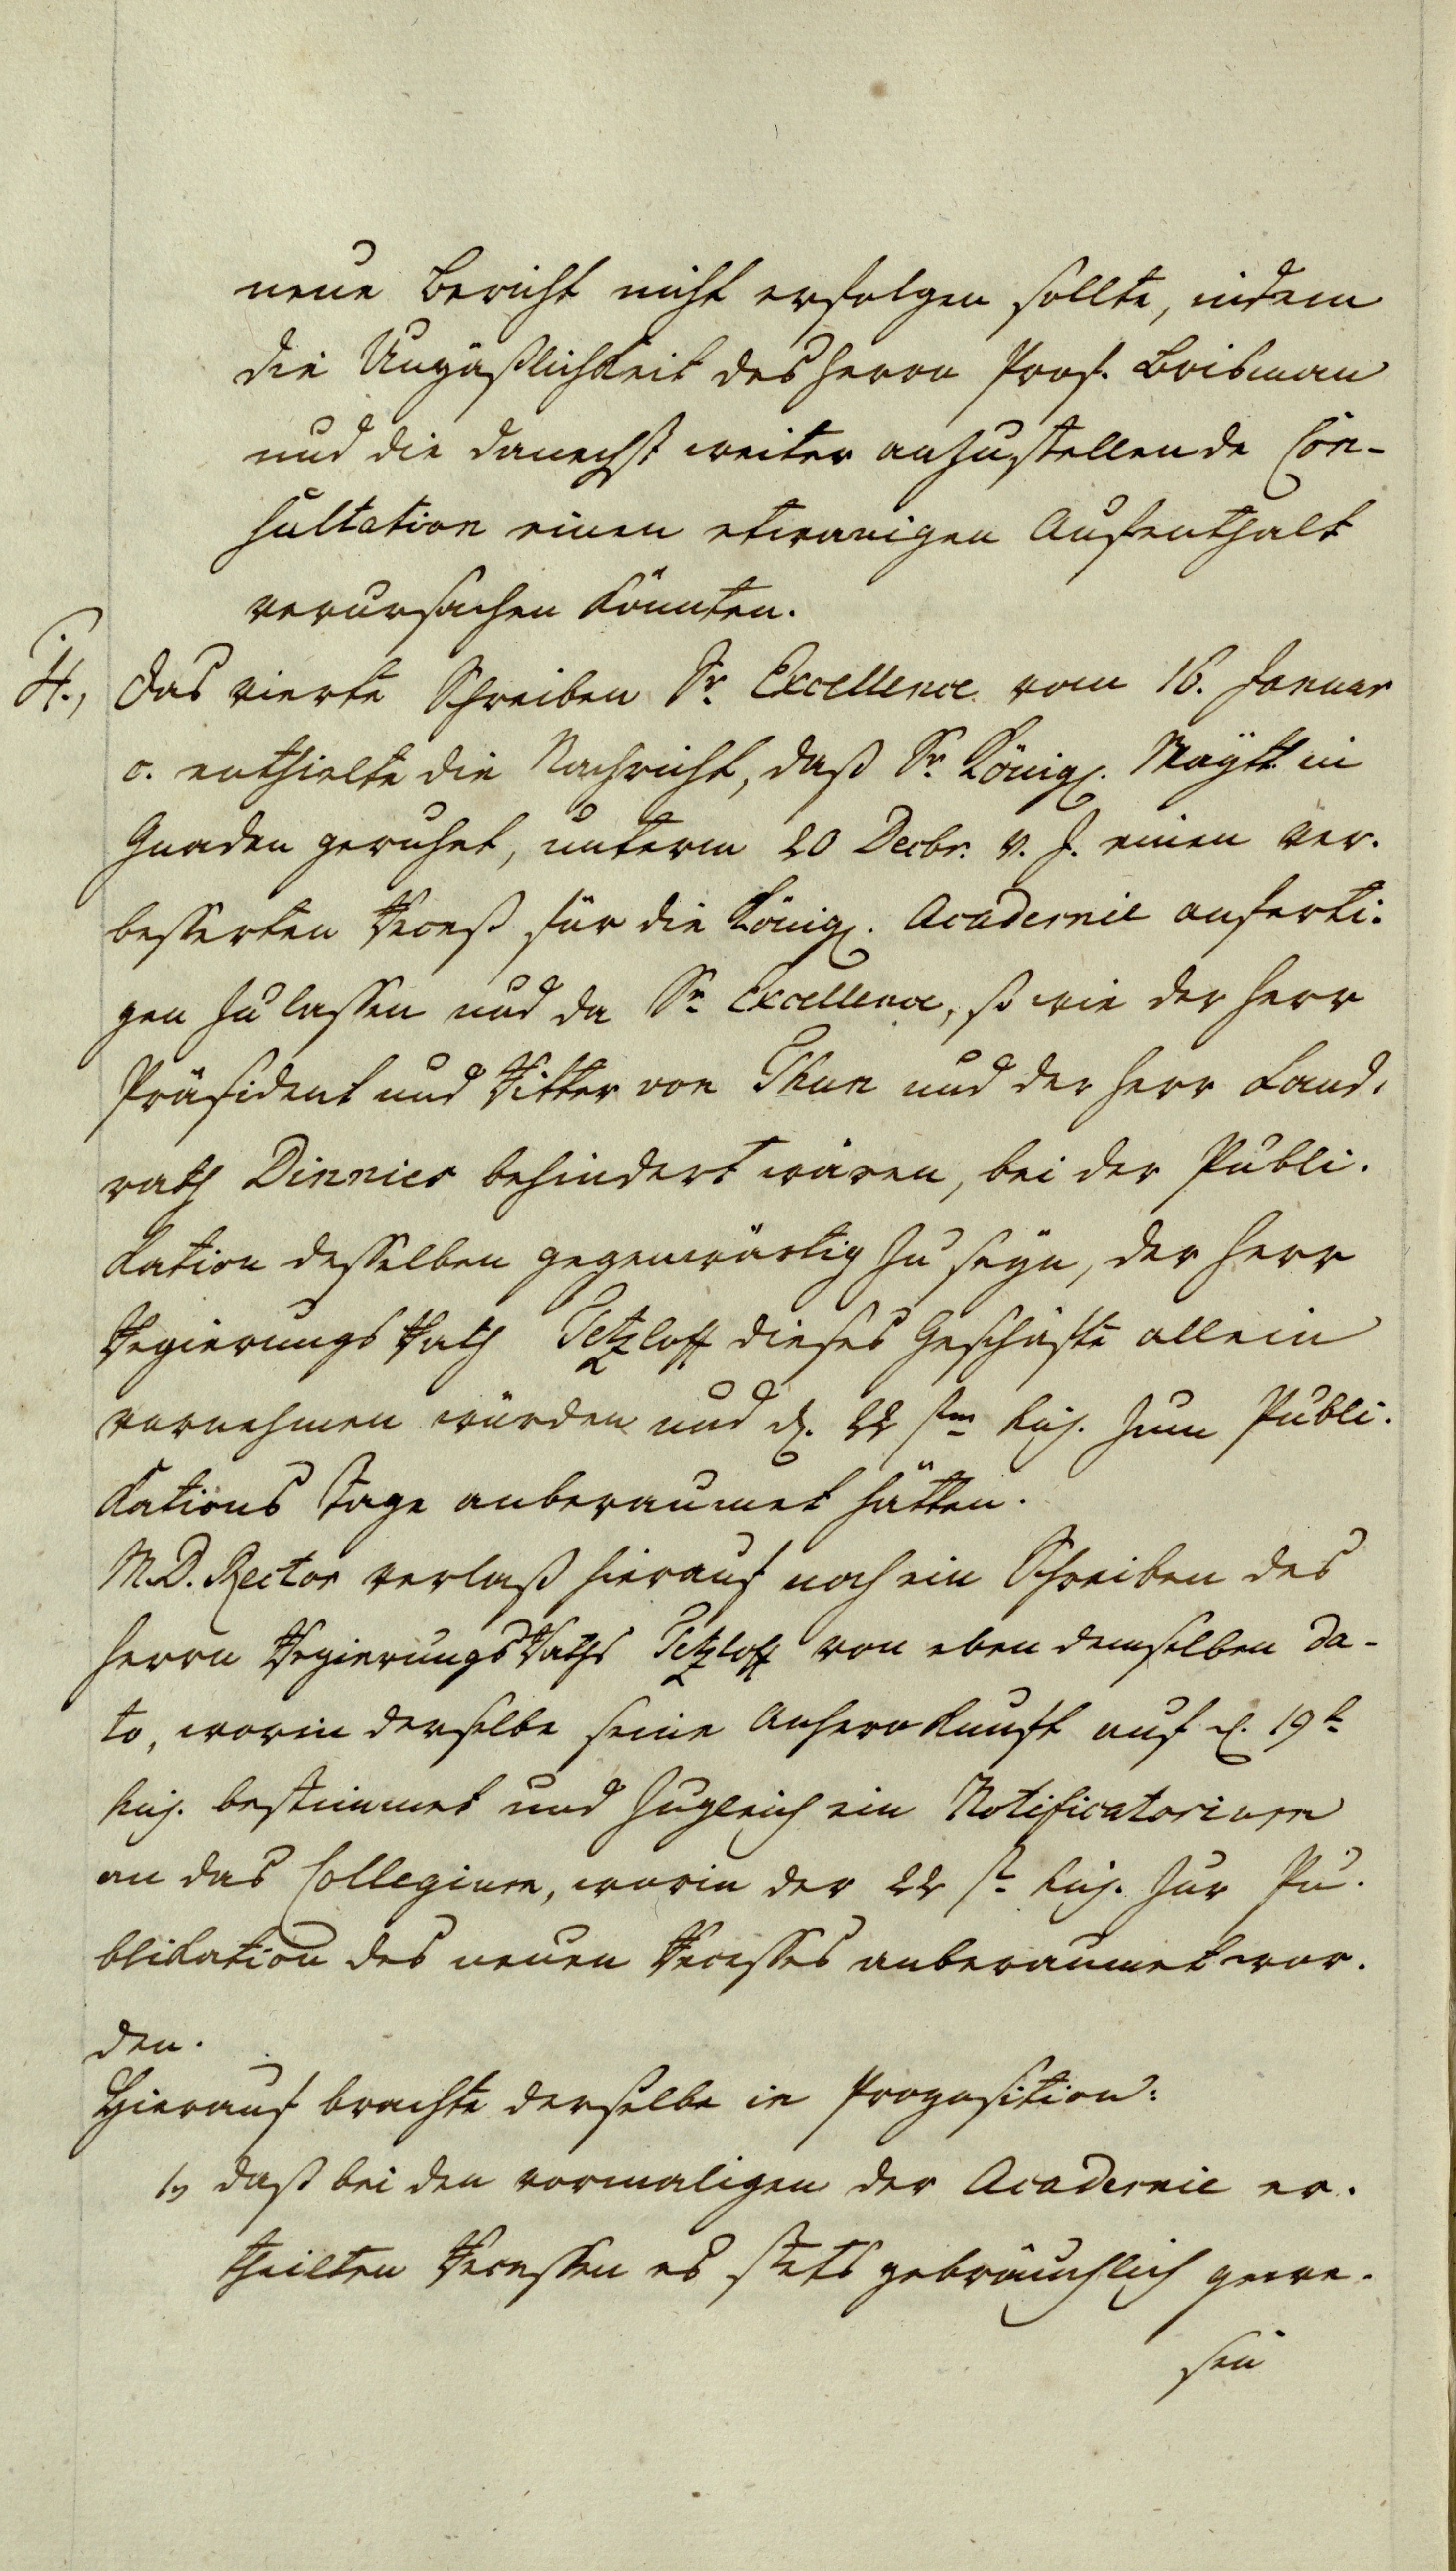neue Bericht nicht erfolgen sollte, indem
die Unpäßlichkeit des Herrn Prof. Brisman
und die danechst weiter anzustellende Con¬
sultation einen etwanigen Aufenthalt
verursachen könnten.
4., Das vierte Schreiben Sr. Excellence vom 16. Januar
c. enthielte die Nachricht, daß Sr Königl. Maÿtt in
Gnaden geruhet, unterm 20 Decbr. v. J. einen ver¬
besserten Receß für die Königl. Academie anferti¬
gen zu lassen und da Sr Excellence, so wie der Herr
Präsident und Ritter von Thun und der Herr Land¬
rath Dinnies behindert wären, bei der Publi¬
kation desselben gegenwärtig zu seÿn, der Herr
Regierungs Rath Tetzloff dieses Geschäfte allein
vornehmen würden und d. 22 ten huj. zum Publi¬
kations Tage anberaumet hätten.
M. D. Rector verlaß hierauf noch ein Schreiben des
Herrn Regierungs Raths Tetzloff von eben demselben da¬
to, worin derselbe seine Anherokunft auf d. 19 ten
huj. bestimmet und zugleich ein Notificatorium
an das Collegium, worin der 22 ste huj. zur Pu¬
blikation des neuen Recesses anberaumet wor¬
den.
Hierauf brachte derselbe in Proposition:
1., daß bei den vormaligen der Academie er¬
theilten Recessen es stets gebräuchlich gewe¬
sen